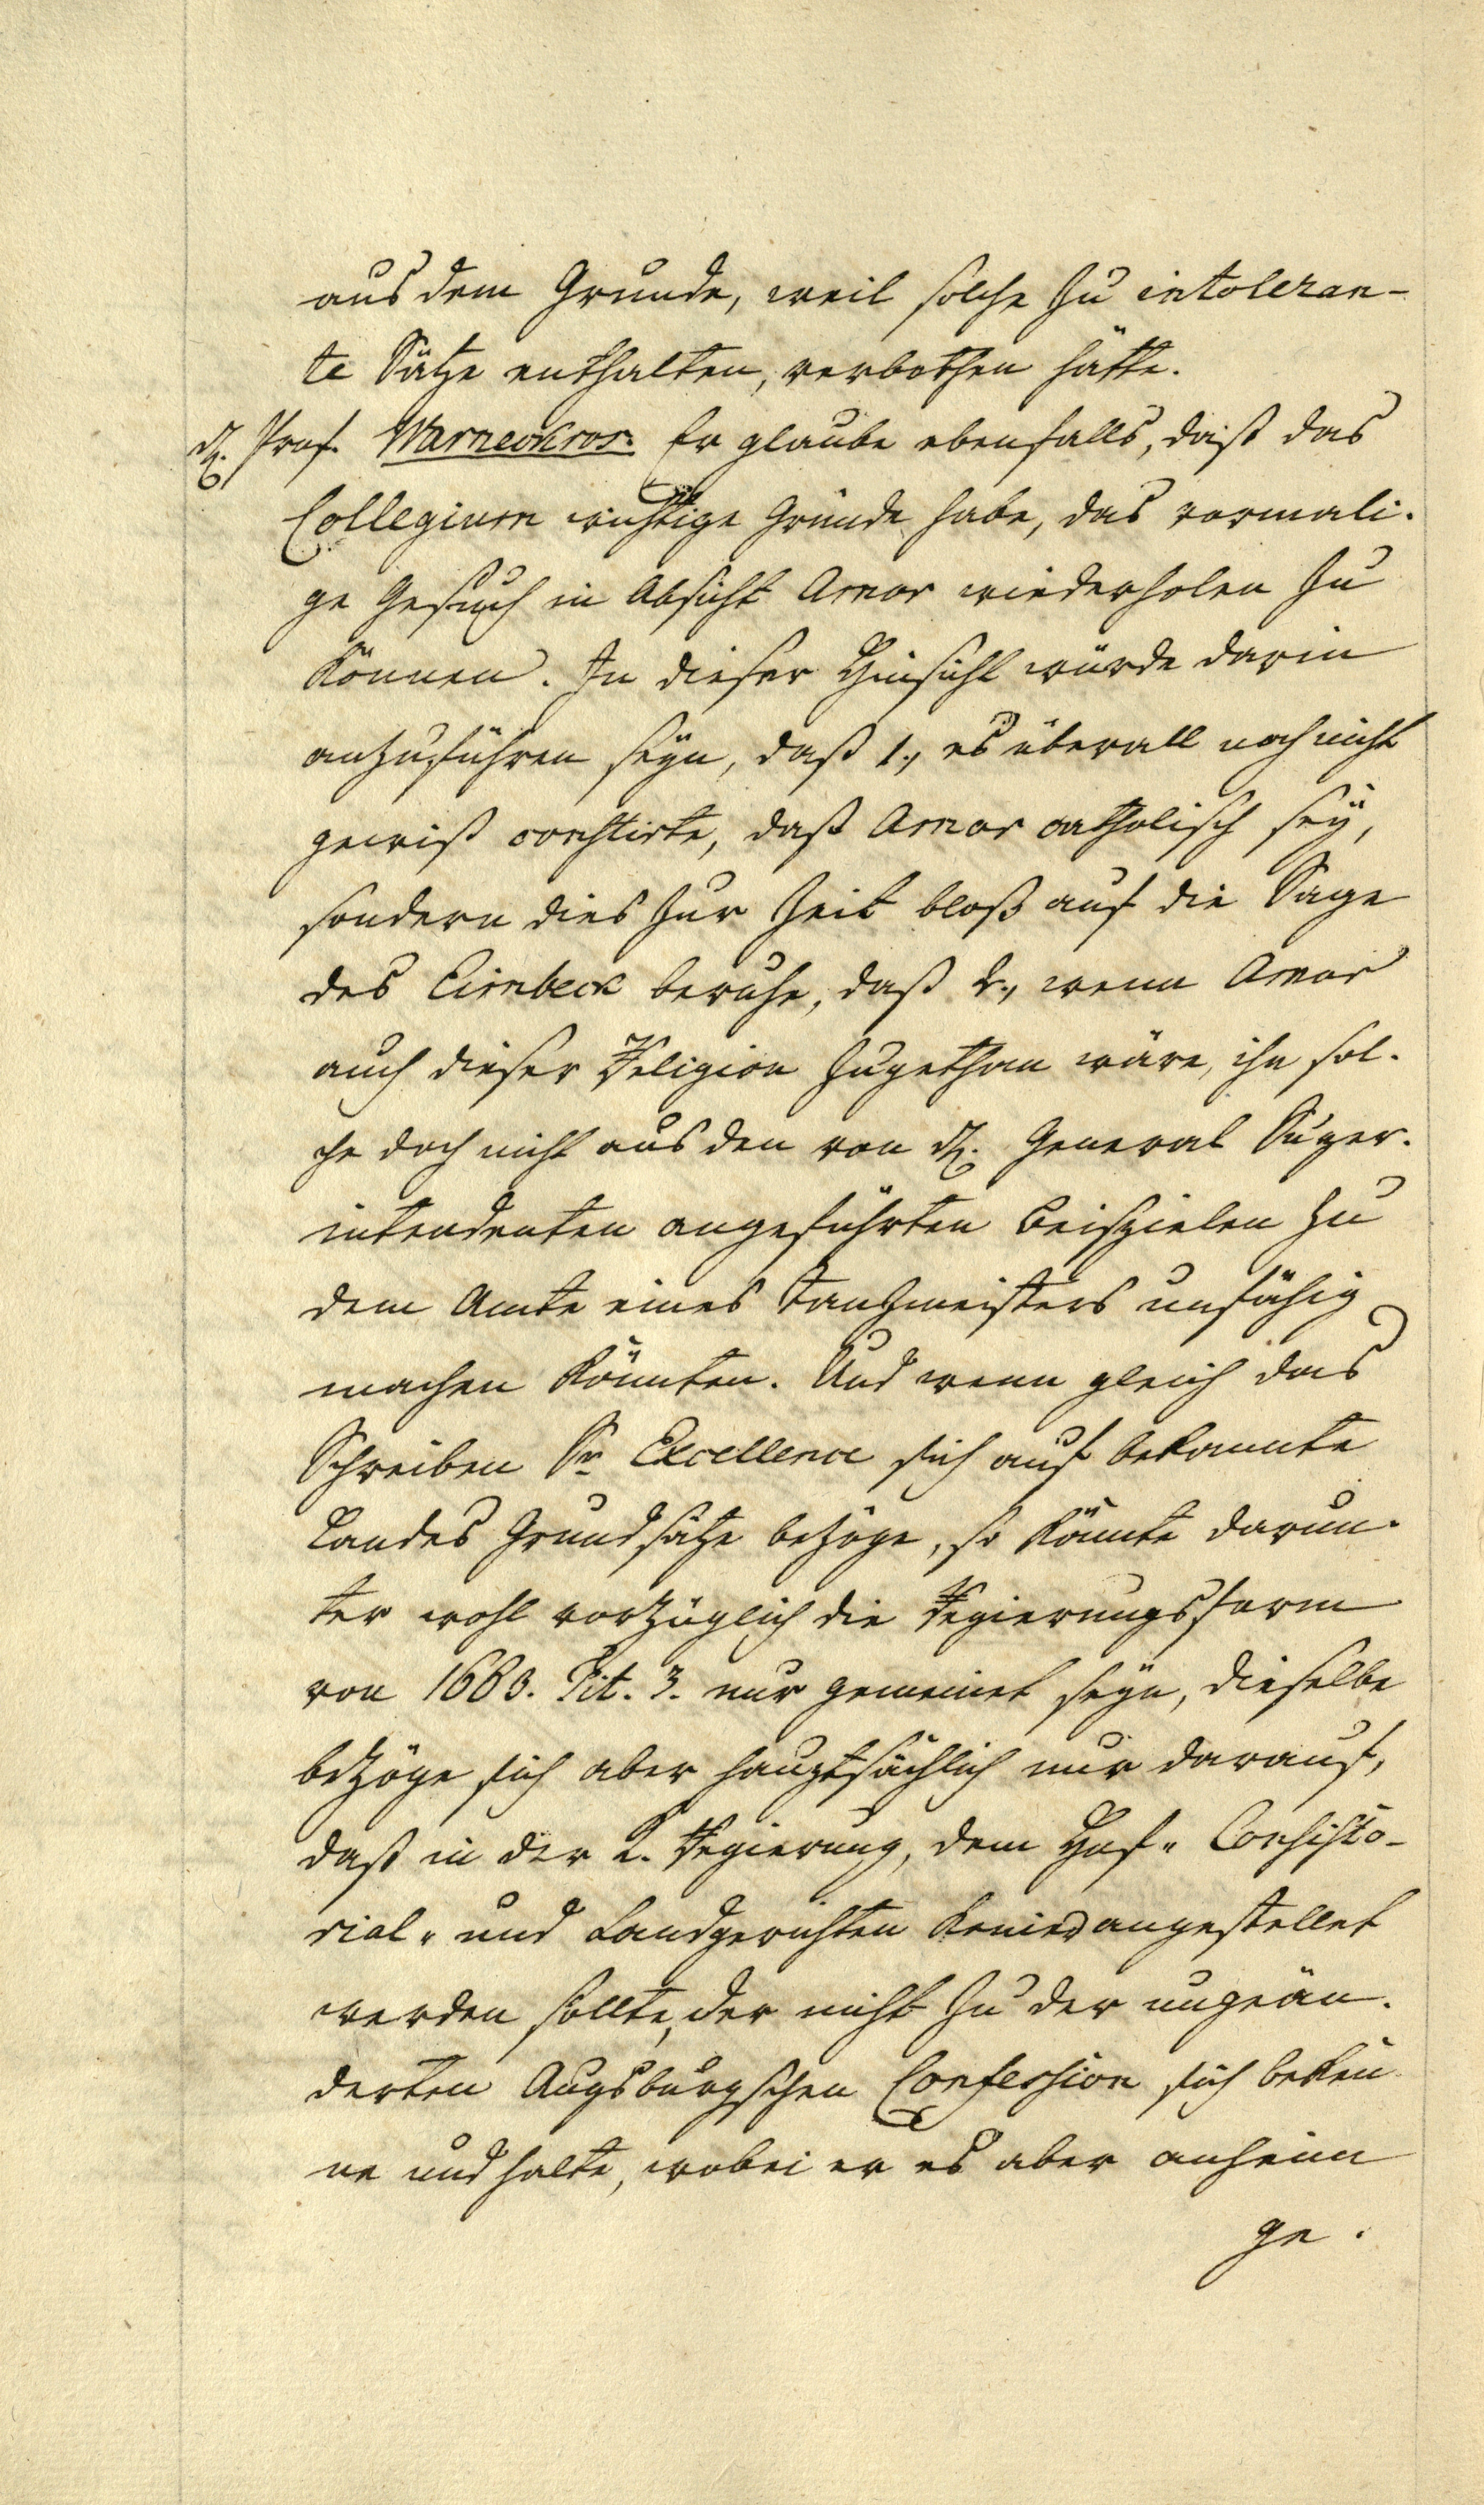aus dem Grunde, weil solche zu intoleran¬
te Sätze enthalten, verbothen hätte.
dh. Prof. Warneckros. Er glaube ebenfalls, daß das
Collegium wichtige Gründe habe, das vormali¬
ge Gesuch in Absicht Amor wiederholen zu
können. In dieser Hinsicht würde darin
anzuführen seÿn, daß 1., es überall noch nicht
gewiß constirte, daß Amor catholisch seÿ,
sondern dies zur Zeit bloß auf die Sage
des Eimbeck beruhe, daß 2., wenn Amor
auch dieser Religion zugethan wäre, ihn sol¬
che doch nicht aus den von dh. General Super¬
intendenten angeführten Beispielen zu
dem Amte eines Tanzmeisters unfähig
machen könnten. Und wenn gleich das
Schreiben Sr Excellence sich auf bekannte
Landes Grund sätze bezöge, so könnte darun¬
ter wohl vorzüglich die Regierungsform
von 1663. Tit. 3. nur gemeinet seÿn, dieselbe
bezöge sich aber hauptsächlich nur darauf,
daß in der K. Regierung, dem Hof- Consisto¬
rial-, und Landgerichten keiner angestellet
werden sollte, der nicht zu der ungeän¬
derten Augsburgschen Confession sich beken¬
ne und halte, wobei er es aber anheim
ge-